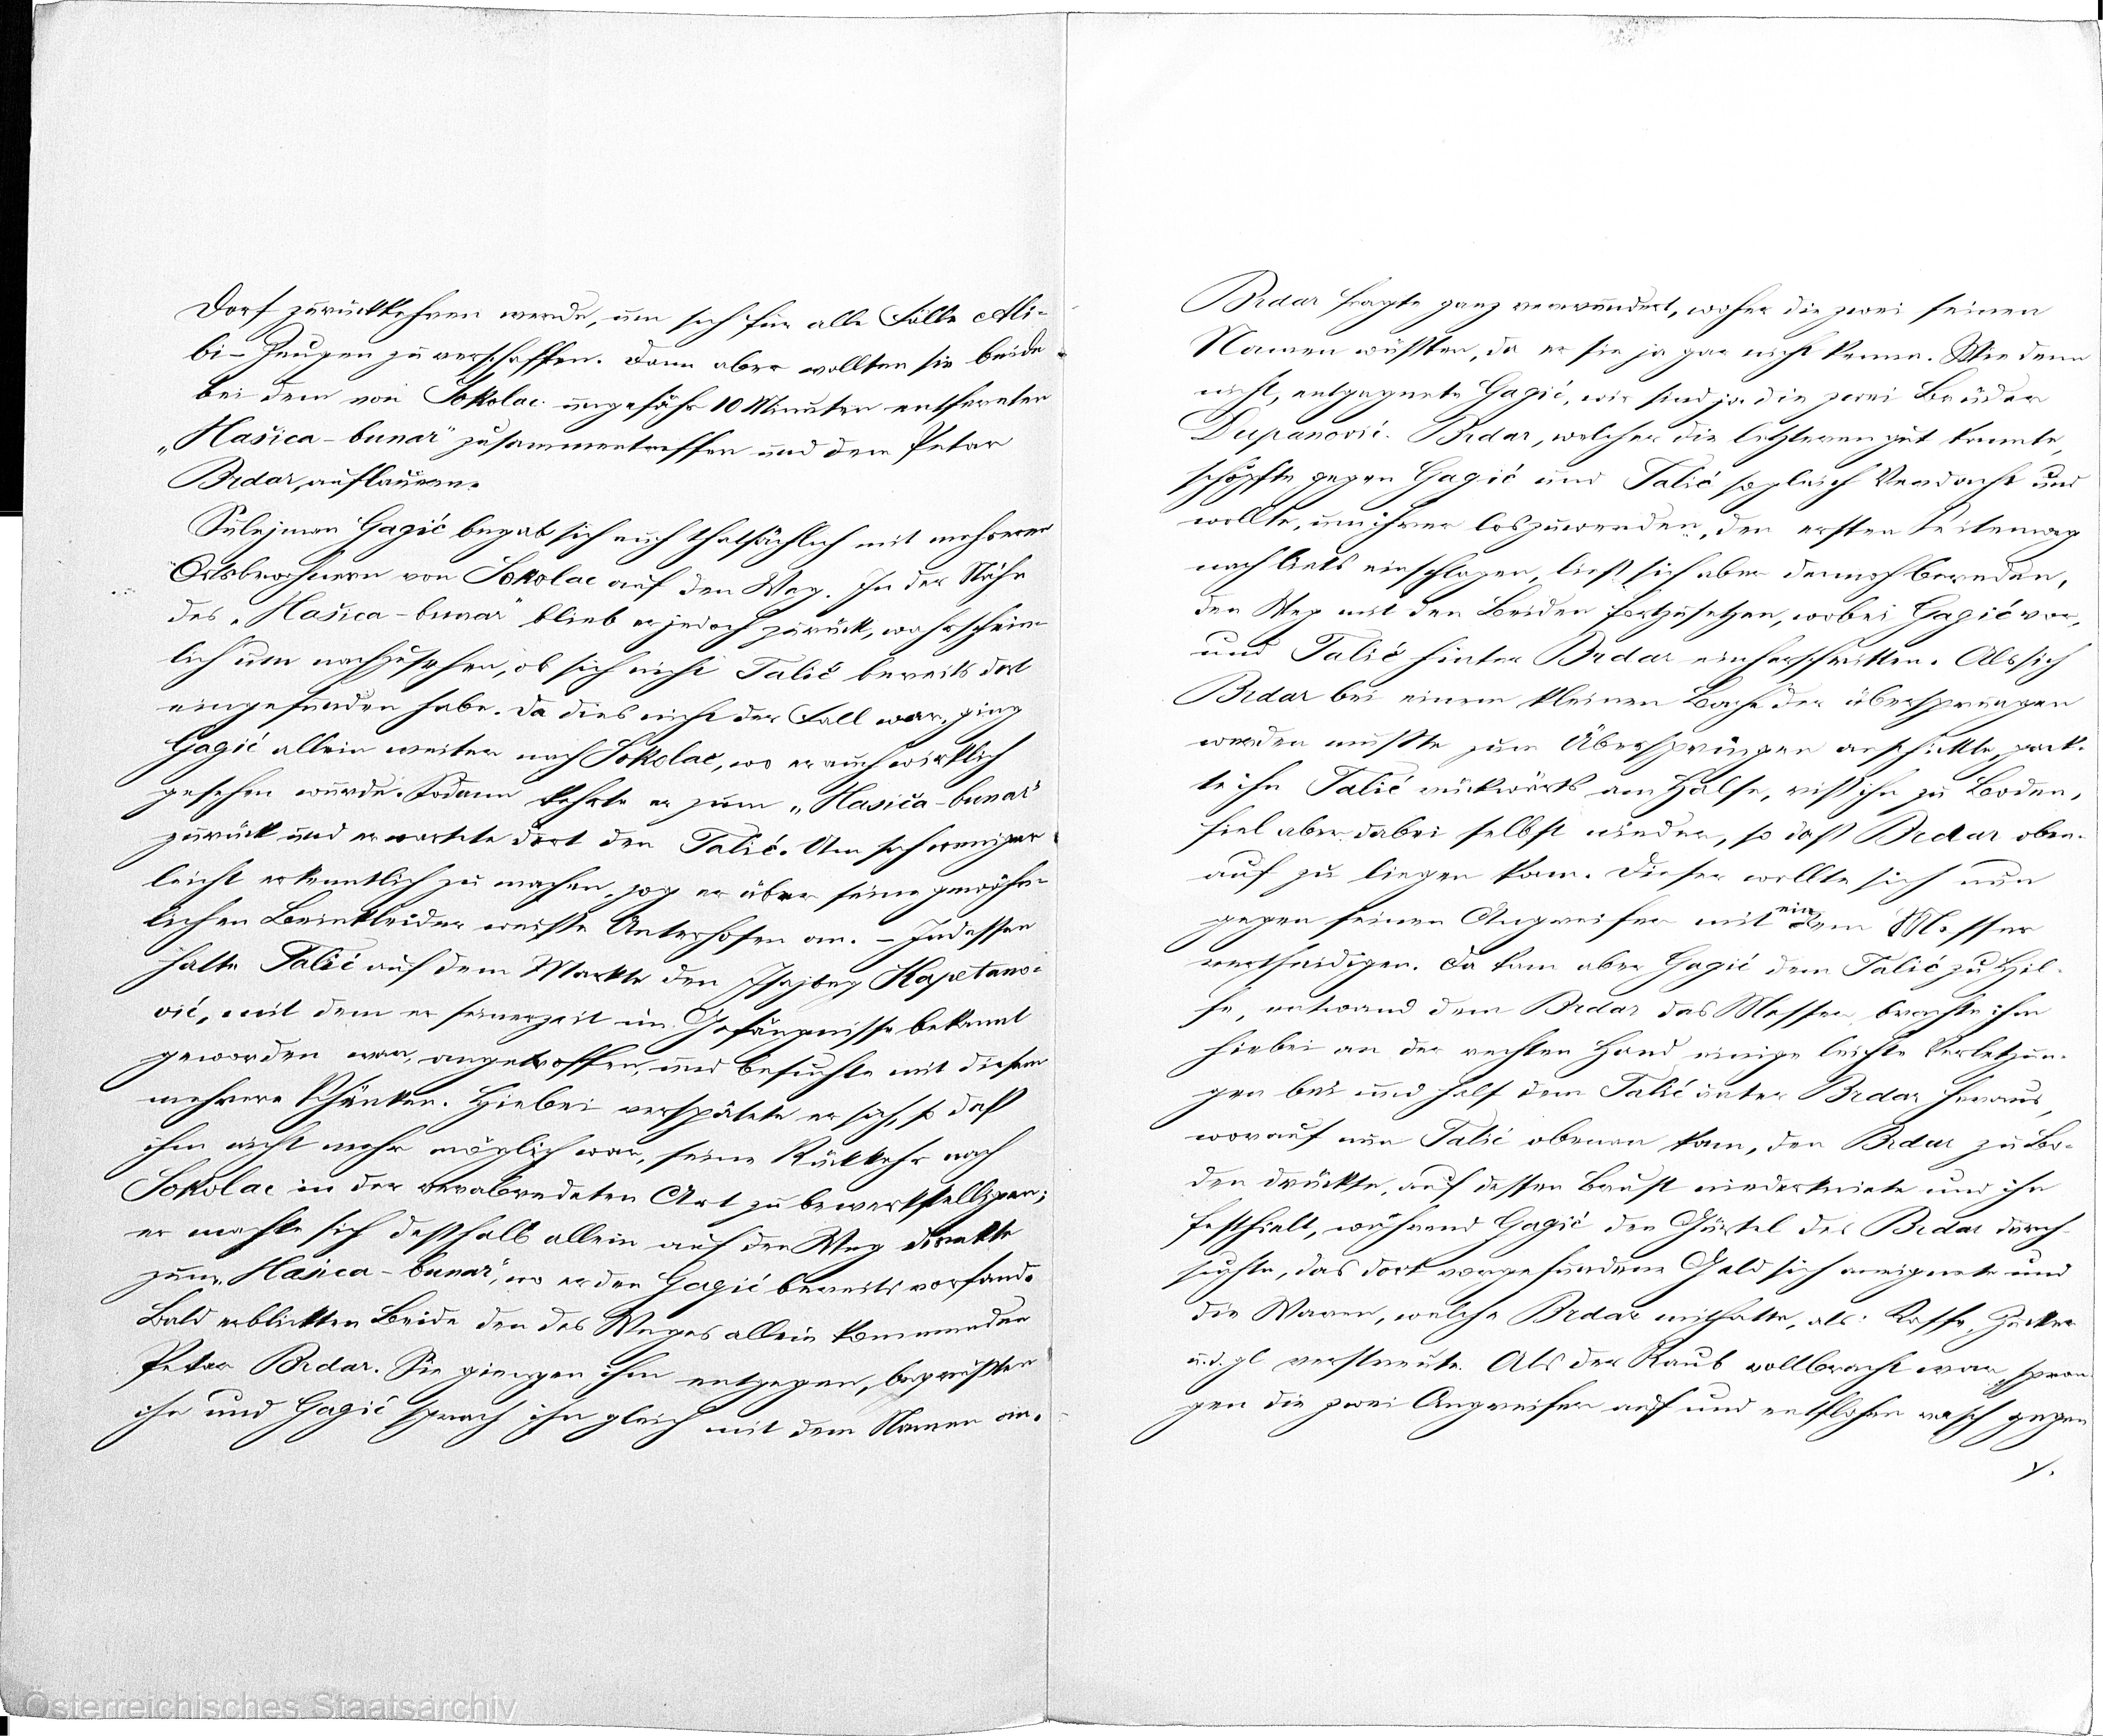Dorf zurückkehren werde, um sich für alle Fülle Ali¬
bi-Zeugen zu verschaffen. Dann aber wollten sie beide
bei dem von Sokolac ungefähr 10 Minuten entfernten
„Hašica-bunar“ zusammentreffen und dem Petar
Brdar auflauern.
Sulejman Gagić begab sich auf thatsächlich mit mehreren
Ortsbrachnern von Sokolac auf den Weg. In der Nähe
des „Hašica-bunar“ blieb er jedoch zurück, wahrschein¬
lich um nachzusehen, ob sich nicht Talić bereits dort
eingefunden habe. Da dies nicht der Fall war, ging
Gagić allein weiter nach Sokolac, wo er auch wirklich
gesehen wurde. Sodann kehrete er zum „Hausiča-bunar“
zurück und er wartete dort den Talić. Am schweniger
leicht erkenntlich zu machen, sog er über seine gewöhn¬
lichen Beinkleider weiße Unterhofen an. – Indessen
hatte Talić auf dem Markte den Isajbeg Kapetano¬
vić, mit dem er seinerzeit im Gefängnisse bekannt
geworden war, angetroffen, und besuchte mit diesem
mehrere Schänken. Hiebei verspätete er sich, so daß
ihm nicht mehr möglich war, seine Rückkehr nach
Sokolac in der verabredeten Art zu bewerkfellxx;
er machte sich deßhalb allein auf den Weg direkte
zum „Hasica-bunar“, wo er den Gagić bereits vorfand.
Bald erblickten Beide den des Weges allein kommenden
Petar Brdar. Sie gingen ihm entgegen, begrüßten
ihn und Gagić sprach ihn gleich mit dem Namen an.
Brdar fragte ganz verwundert, woher die zwei seinen
Namen wüßten, da er sie ja gar nicht kenne. Wie denn
nicht, entgegnete Gagić, wir sind ja die zwei Brüder
Dupanović. Brdar, welcher die letzteren gut kannte,
schöpfte gegen Gagić und Talić sogleich Verdacht und
wollte, um ihrer loszuwerden, den ersten Seitenweg
nachlxx einschlagen, ließ sich aber dennoch bereden,
den Weg mit den Beiden Fortzusetzen, wobei Gagić vor,
und Talić hinter Brdar einxxschritten. Als sich
Brdar bei einem kleinen Bache der übersprungen
werden mußte zum Überspringen anschickte, pack¬
te ihn Talić rückwärts am Halse, riß ihn zu Boden,
fiel aber dabei selbst wieder, so daß Brdar oben¬
auf zu liegen kam. Dieser wollte sich nun
ein
gegen seinen Angreifer mit dem Messen
vertheidigen. Da kam aber Gagić dem Talić zu Hil¬
fe, entwand dem Brdar das Messen brachte ihm
hiebei an der rechten Hand einige leichte Verletzun¬
gen bei und half dem Talić unter Brdar heraus,
worauf nun Talić obenan kam, den Brdar zu Bo¬
den drückte, auf dessen Brust niederkniete und ihn
festhielt, während Gagić den Gürtel des Brdar durch
suchte, das dort vorgefundene Geld sich xxgnete und
die Waren, welche Brdar mithalte, als Rasse, Zucker
u. d. gl verstreute. Als der Raub vollbracht war spran¬
gen die zwei Angereifen auf und entflohen xxasch gegen